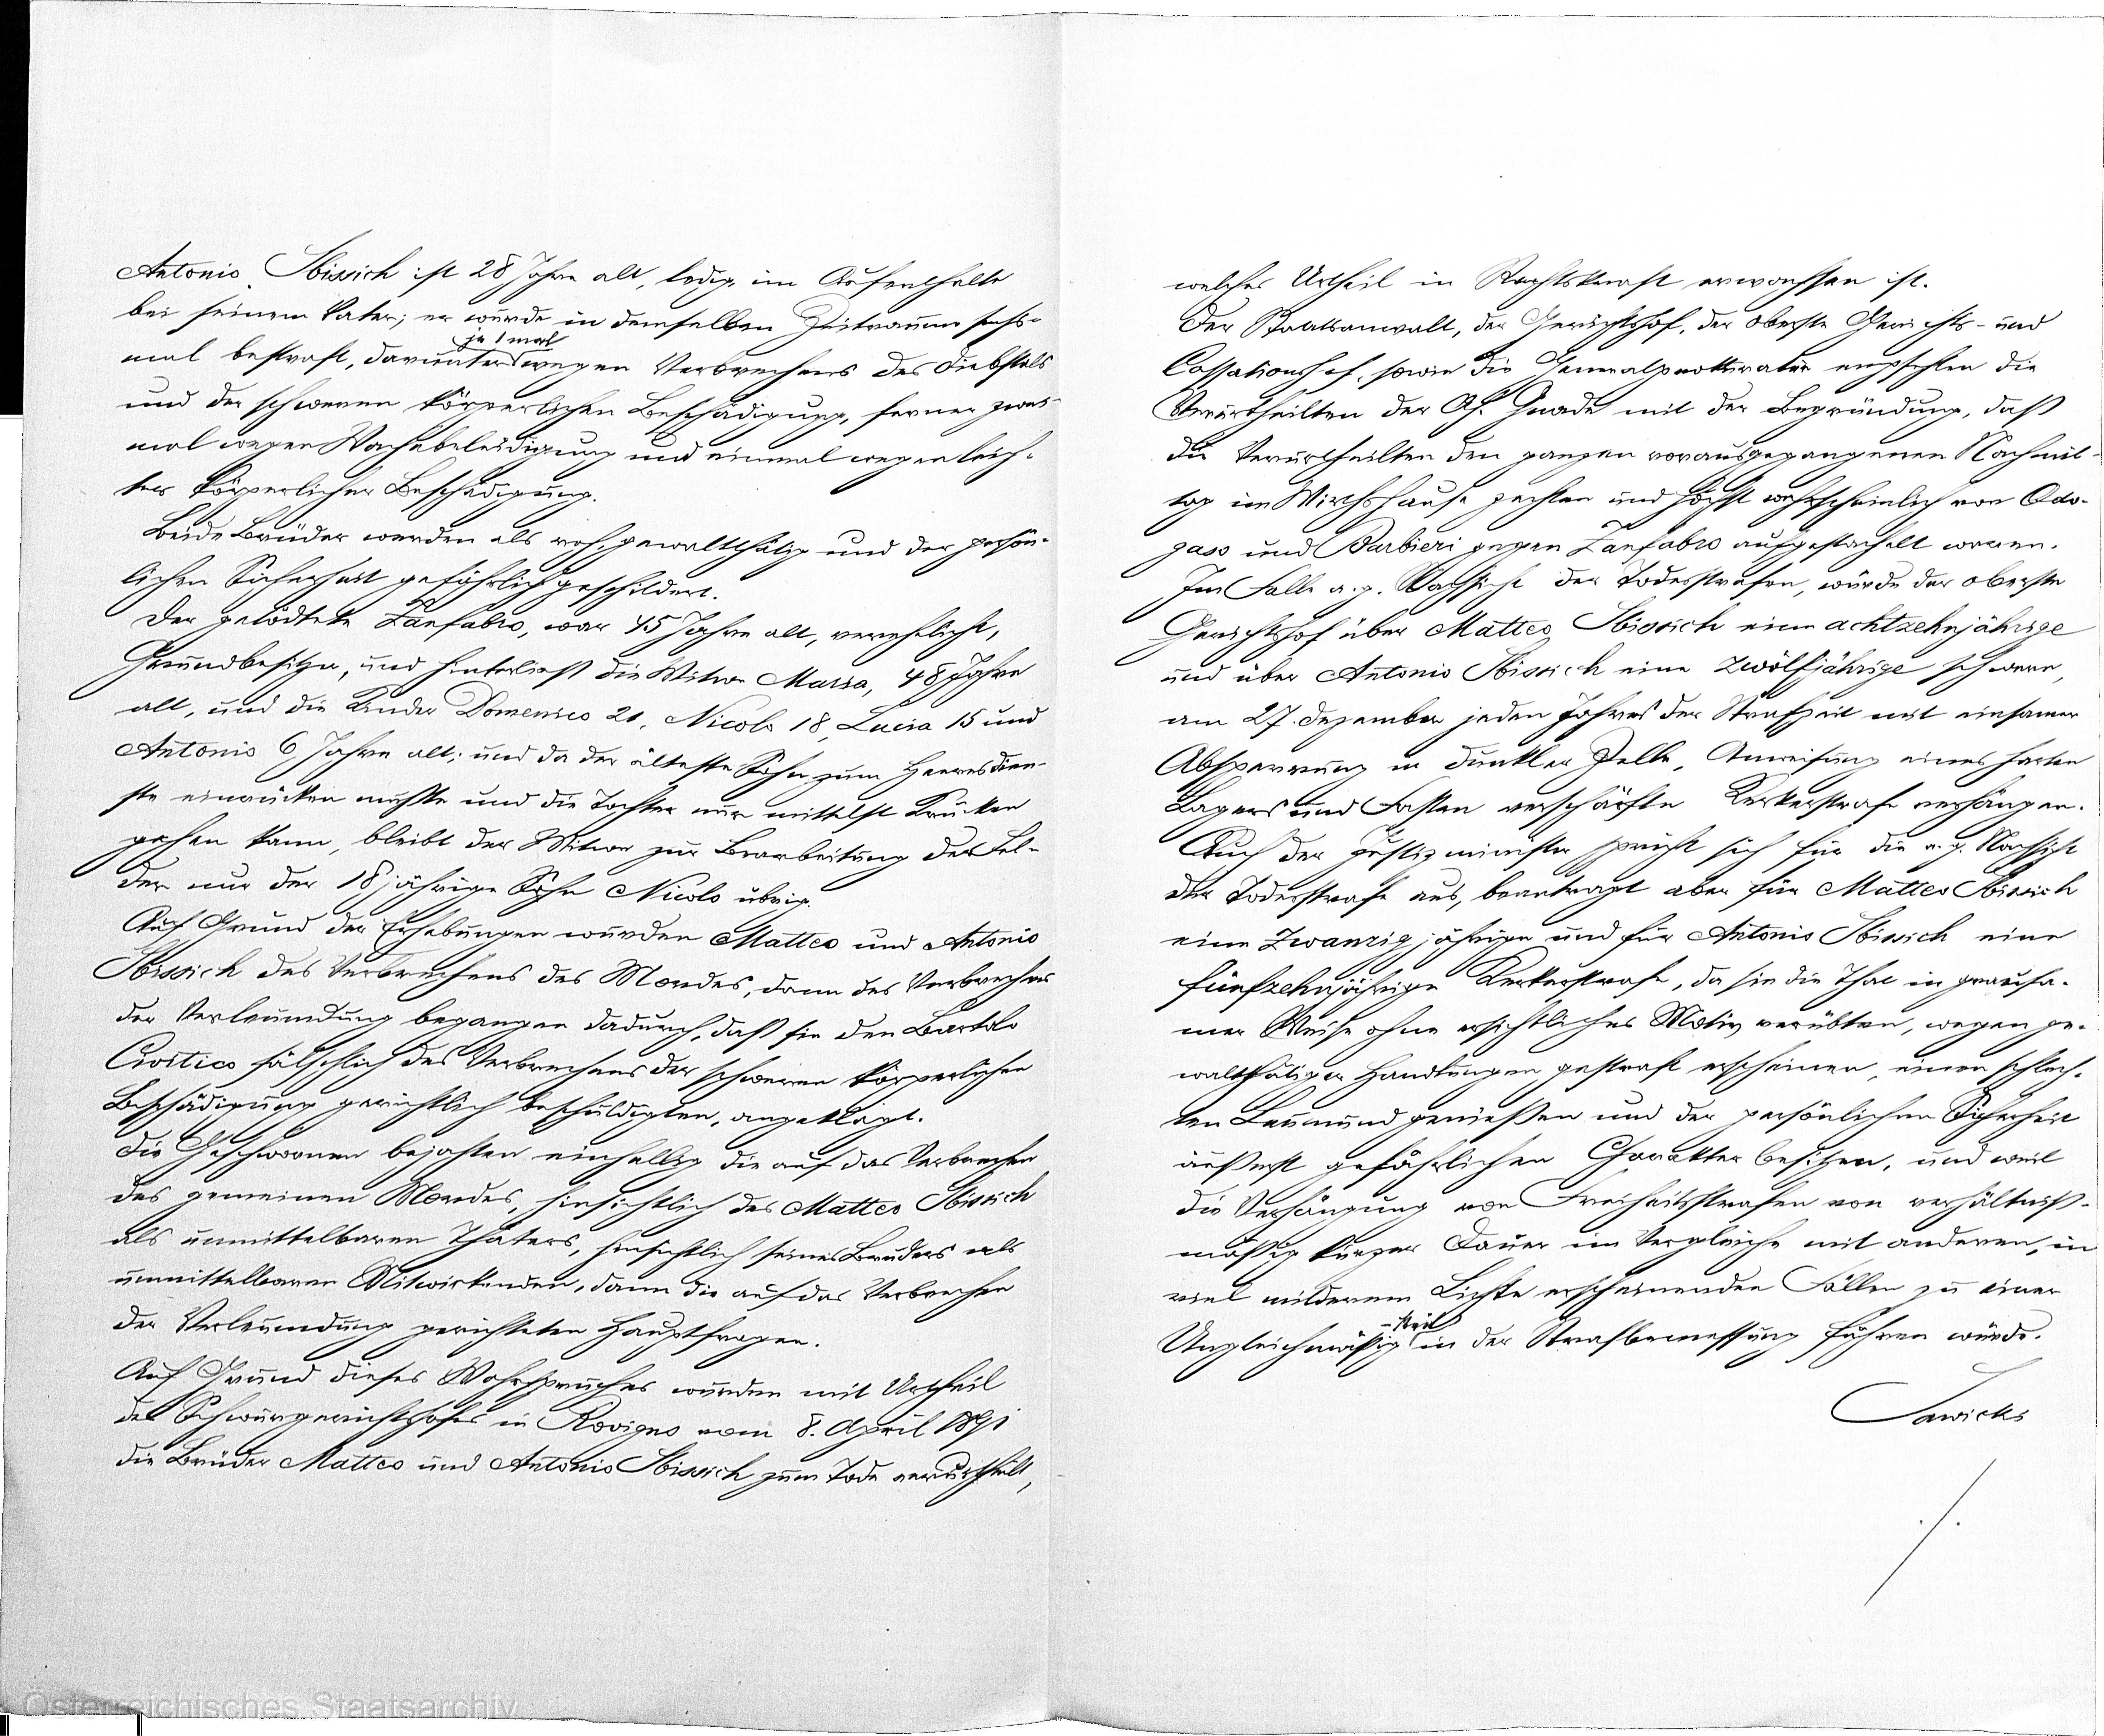Antonio Sbissich ist 28 Jahre alt, ledig, im Aufenthalte
bei seinem Vater; er wurde in demselben Zeitraum sechs¬
je 1 mal
mal bestraft, darunter wegen Verbrechens des Diebstals
und der schweren körperlichen Beschädigung, ferner zwei¬
mal wegen Vorhabeleidigung und einmal wegen leich¬
ter körperlicher Beschädigung.
Beide Brüder werden als roh, gewaltthätig und der persön¬
lichen Sicherheit gefährlich geschildert.
Der getödtete Zanfabro, war 45 Jahre alt, verehelicht,
Grundbesitzer, und hinterließ die Witwe Maria, 48 Jahre
alt und die Kinder Domenico 21, Nicolo 18, Lucia 15 und
Antonio 6 Jahre alt; und da der älteste Sohn zum Heeresdein¬
ste einrücken mußte und die Tochter nur mittelst Krücken
gehen kann, bleibt der Witwe zur Bearbeitung der Fel¬
der nur der 18jährigen Sohn Nicolo übrig.
Auf Grund der Erhebungen wurden Matteo und Antonio
Sbissich des Verbrechens des Mordes, dann des Verbrechens
der Verleumundung begangen dadurch, daß sie den Bartolo
Civitico fälschlich des Verbrechens der schweren körperlichen
Beschädigung gerichtlich beschuldigten, angeklagt.
Die Geschworene bejahten einhellig die auf das Verbrechen
des gemeinen Mordes, hinsichtlich des Matteo Sbissich
als unmittelbaren Thäters, hinsichtlich seines Bruders als
unmittelbaren Mitwirkenden, dann die auf das Verbrechen
der Verleumdung gerichteten Hauptfragen.
Auf Grund dieses Wahrspruches wurden mit Urtheil
des Schwurgerichtshofes in Rovigno vom 8. April 1891
die Brüder Matteo und Antonio Sbissich zum Tode verurtheilt,
welches Urtheil in Rechtskraft erwachsen ist.
Der Staatsanwalt, der Gerichtshof, der oberste Gerichts- und
Cassationshof, sowie die Generalprokuratur empfehlen die
Verurtheilten der Ah. Gnade mit der Begründung, daß
die Verurtheilten den ganzen vorausgegangenen Nachmit¬
tag im Wirthshause zechen und höchst wahrscheinlich von Odo¬
gaso und Barbieri gegen Zanfabro aufgestachelt waren.
Im Falle a.g. Nachsicht der Todesstrafen, wurde der oberste
Gerichtshof über Matteo Sbissich eine achtzehnjährige
und über Antonio Sbissich eine zwölfjährige schwere,
am 27. Dezember jeden Jahres der Strafzeit mit einsamer
Absperrung in dunkler Zelle, Anweisung eines harten
Lagers und Fasten verschärften Kerkerstrafe verhängen.
Auch der Justizminister spricht sich für die a.g. Nachsicht
der Todesstrafe aus, beantragt aber für Matteo Sbissich
einen zwanzigjährigen und für Antonio Sbissich eine
fünfzehnjährigen Kerkerstrafe, da sie die That in grausa¬
mer Weise ohne ersichtliches Motiv verübten, wegen ge¬
waltthätiger Handlugnen gestraft erscheinen, einen schlech¬
ten Leumund genießen und der persönlichen Sicherheit
aüßerst gefährlichen Charakter besitzen, und weil
die Verhängung von Freiheitsstrafen von verhältniß¬
mäßig kürzer Dauer im Vergleiche mit anderen, in
viel milderem Lichte erscheinenden Fällen zu einer
keit
Ungleichmäßig in der Strafbemessung führen würde.
Sawicki